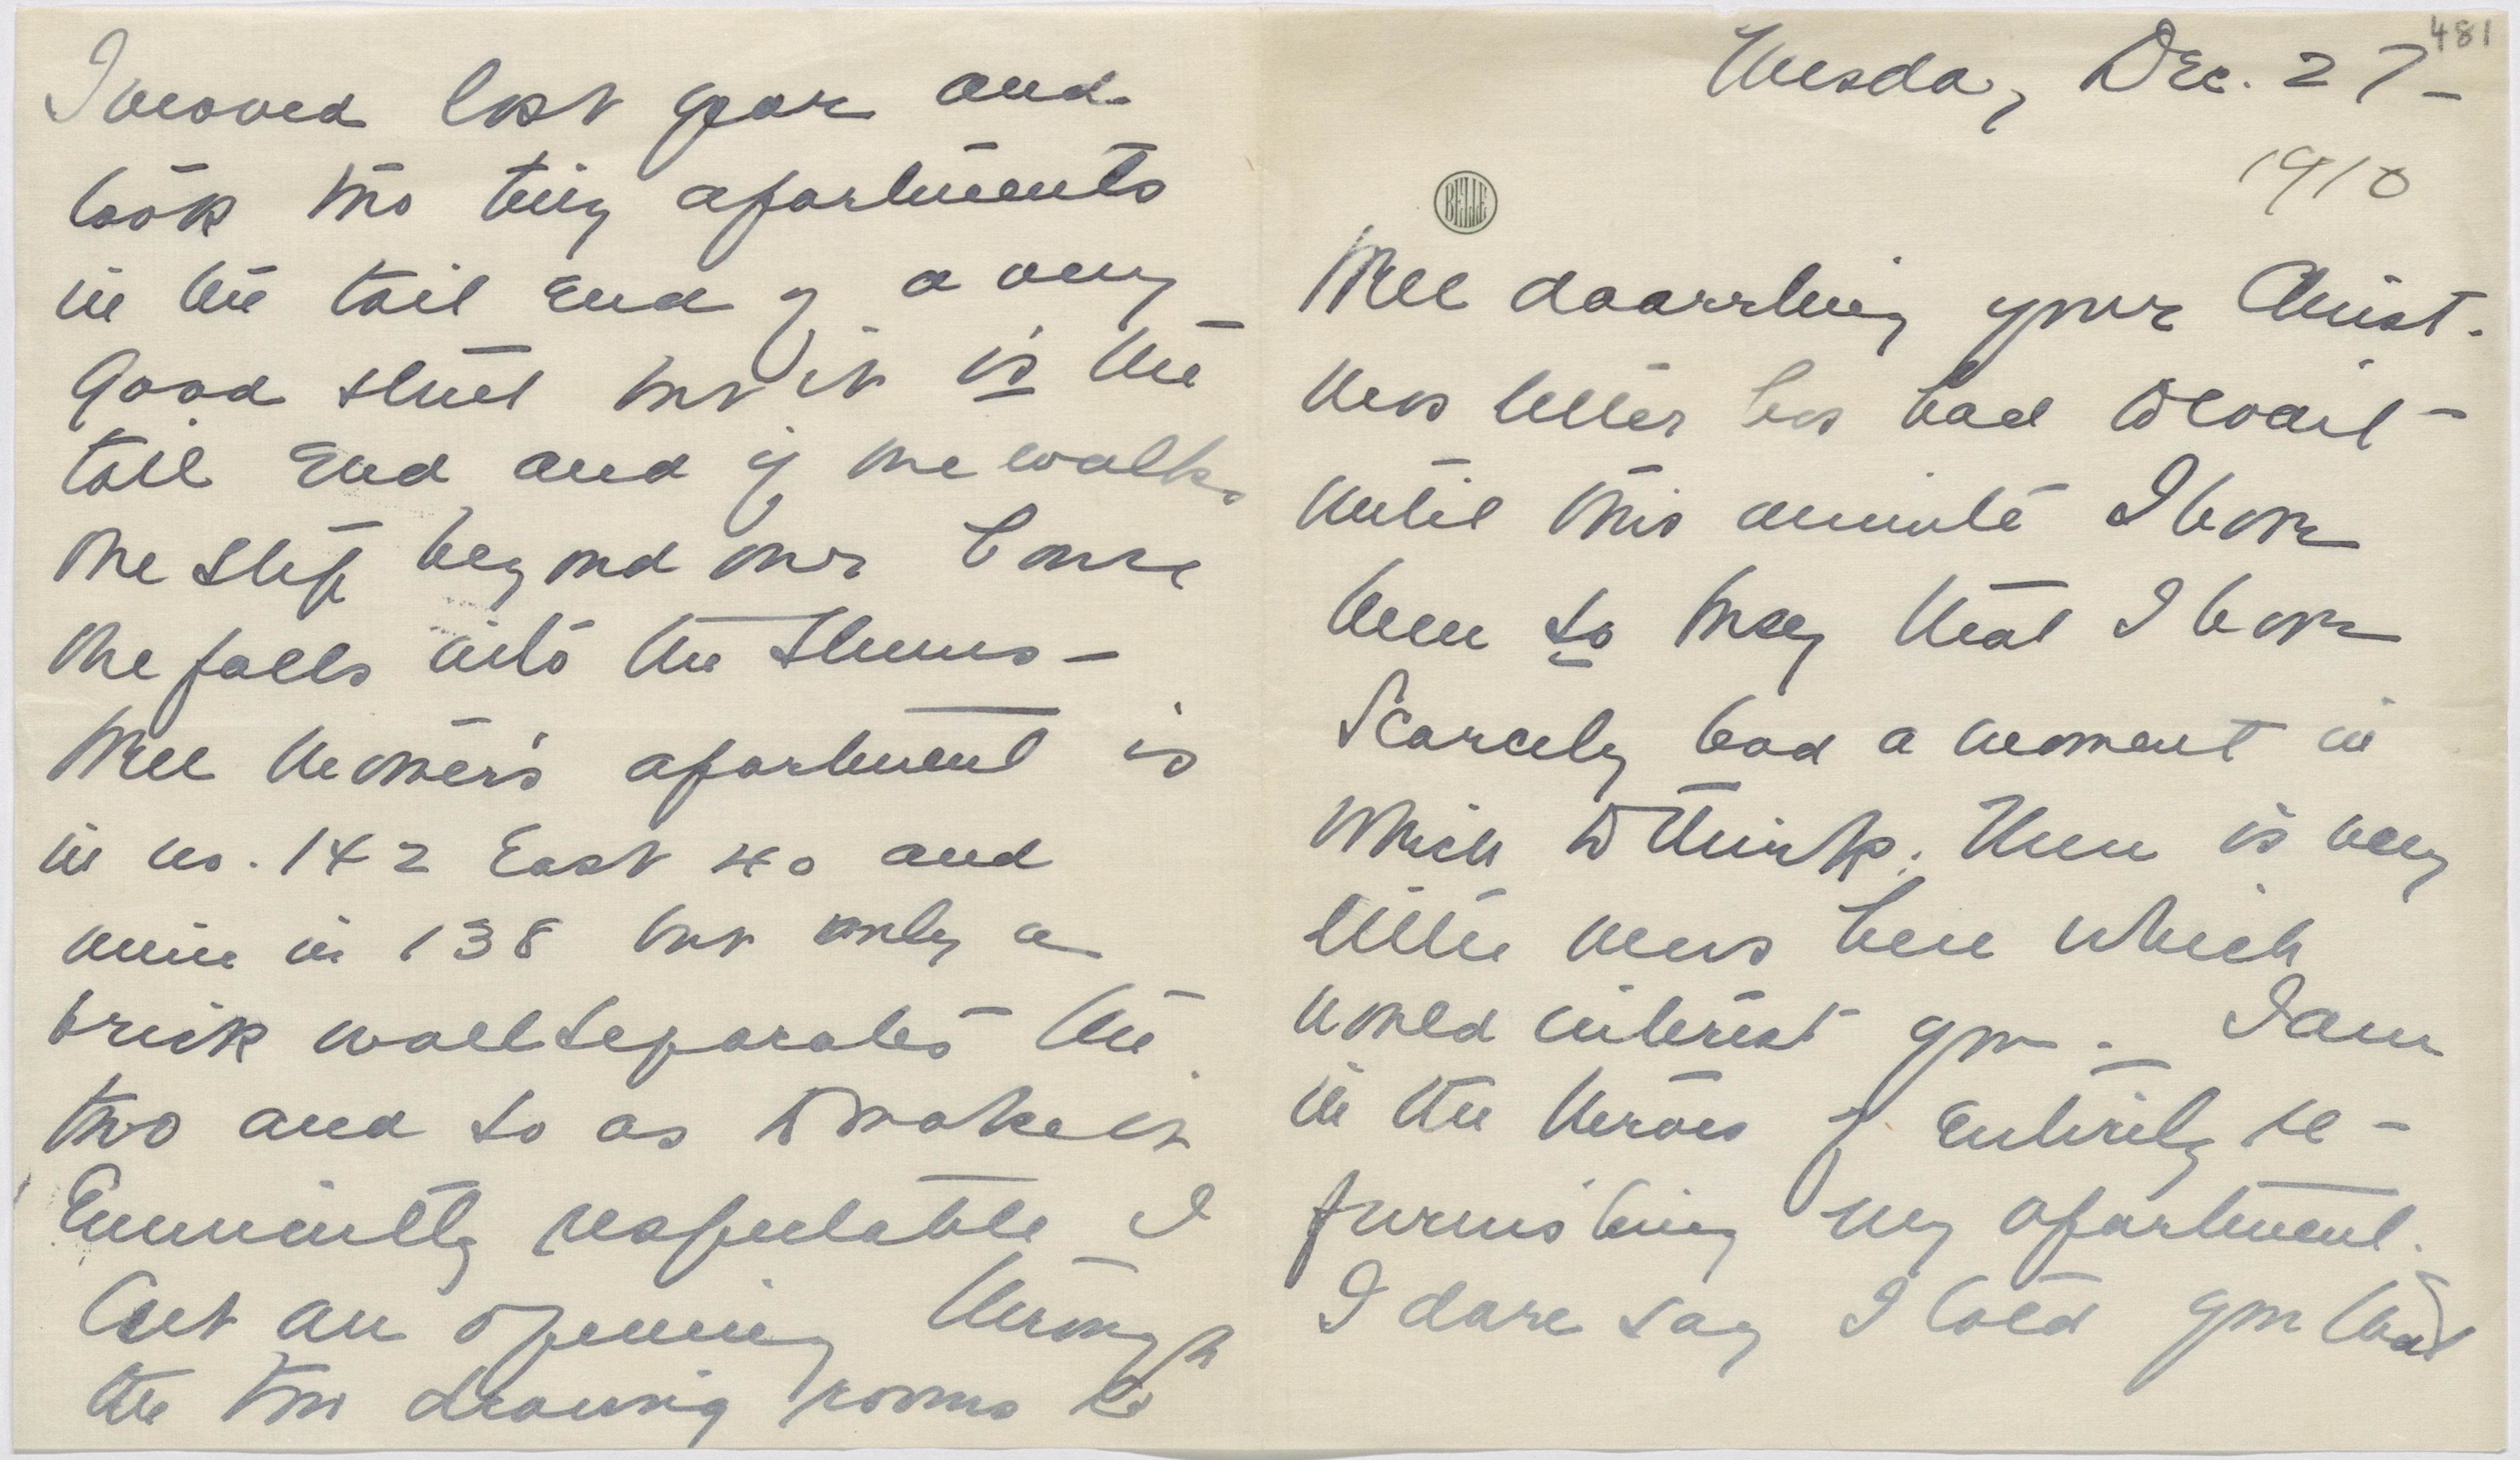Tuesday Dec. 27 –
Well daarrling your Christmas letter has had to wait until this minute I have been so busy that I have scarcely had a moment in which to think: There is very little news here which would interest you. I am in the throes of entirely refurnishing my apartment. I dare say I told you that
I moved last year and took two tiny apartments in the tail end of a very good street but it is the tail end and if one walks one step beyond out house one falls into the slums –
Well Mother’s apartment is in no. 142 East 40 and mine in 138 but only a brick wall separates the two and so as to make it eminently respectable I cut an opening through the two drawing rooms so